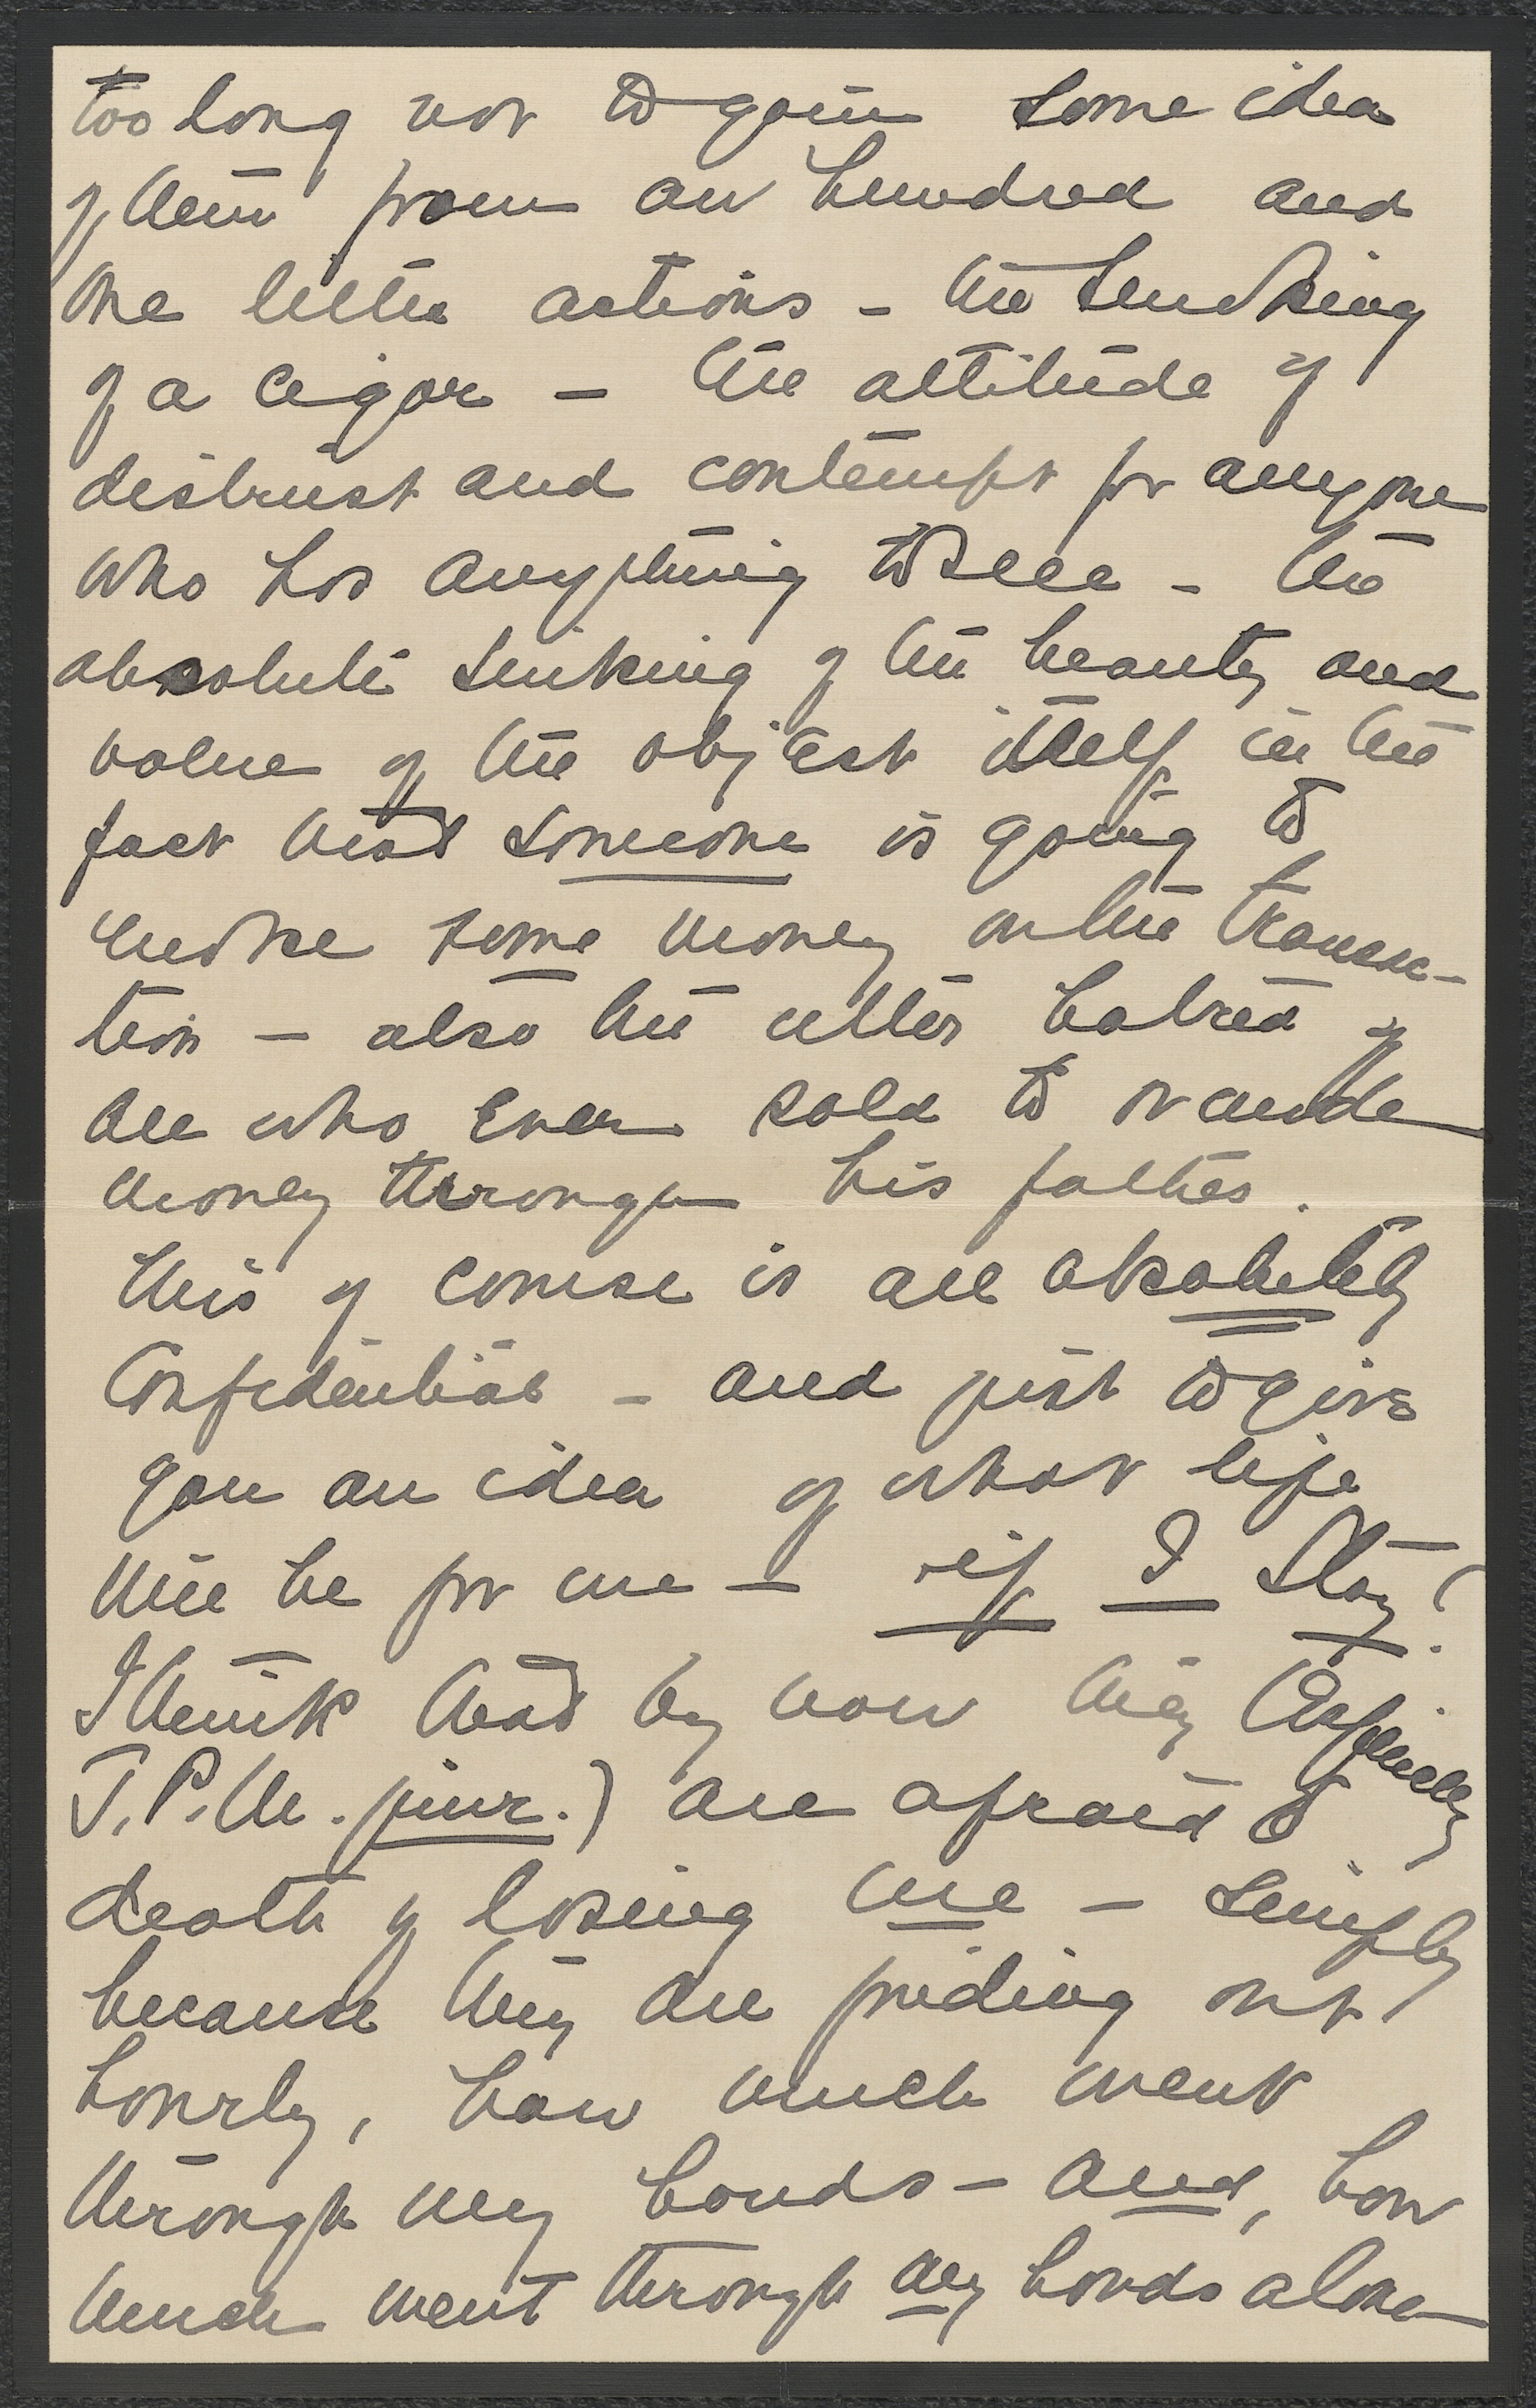too long not to gain some idea of them from an hundred and one little actions – the sucking of a cigar – the attitude of distrust and contempt for anyone who has anything to sell – the absolute sinking of the beauty and value of the object itself in the fact that someone is going to make some money on the transaction – also the utter hatred of all who ever sold to or made money through his father. This of course is all [double underlined: absolutely] confidential – and just to give you an idea of what life will be for me – if I stay! I think that by now they (especially J. P. M. junr.) are afraid to death of losing me – simply because they are finding out hourly, how much went through my hands – and, how much with through my hands alone –